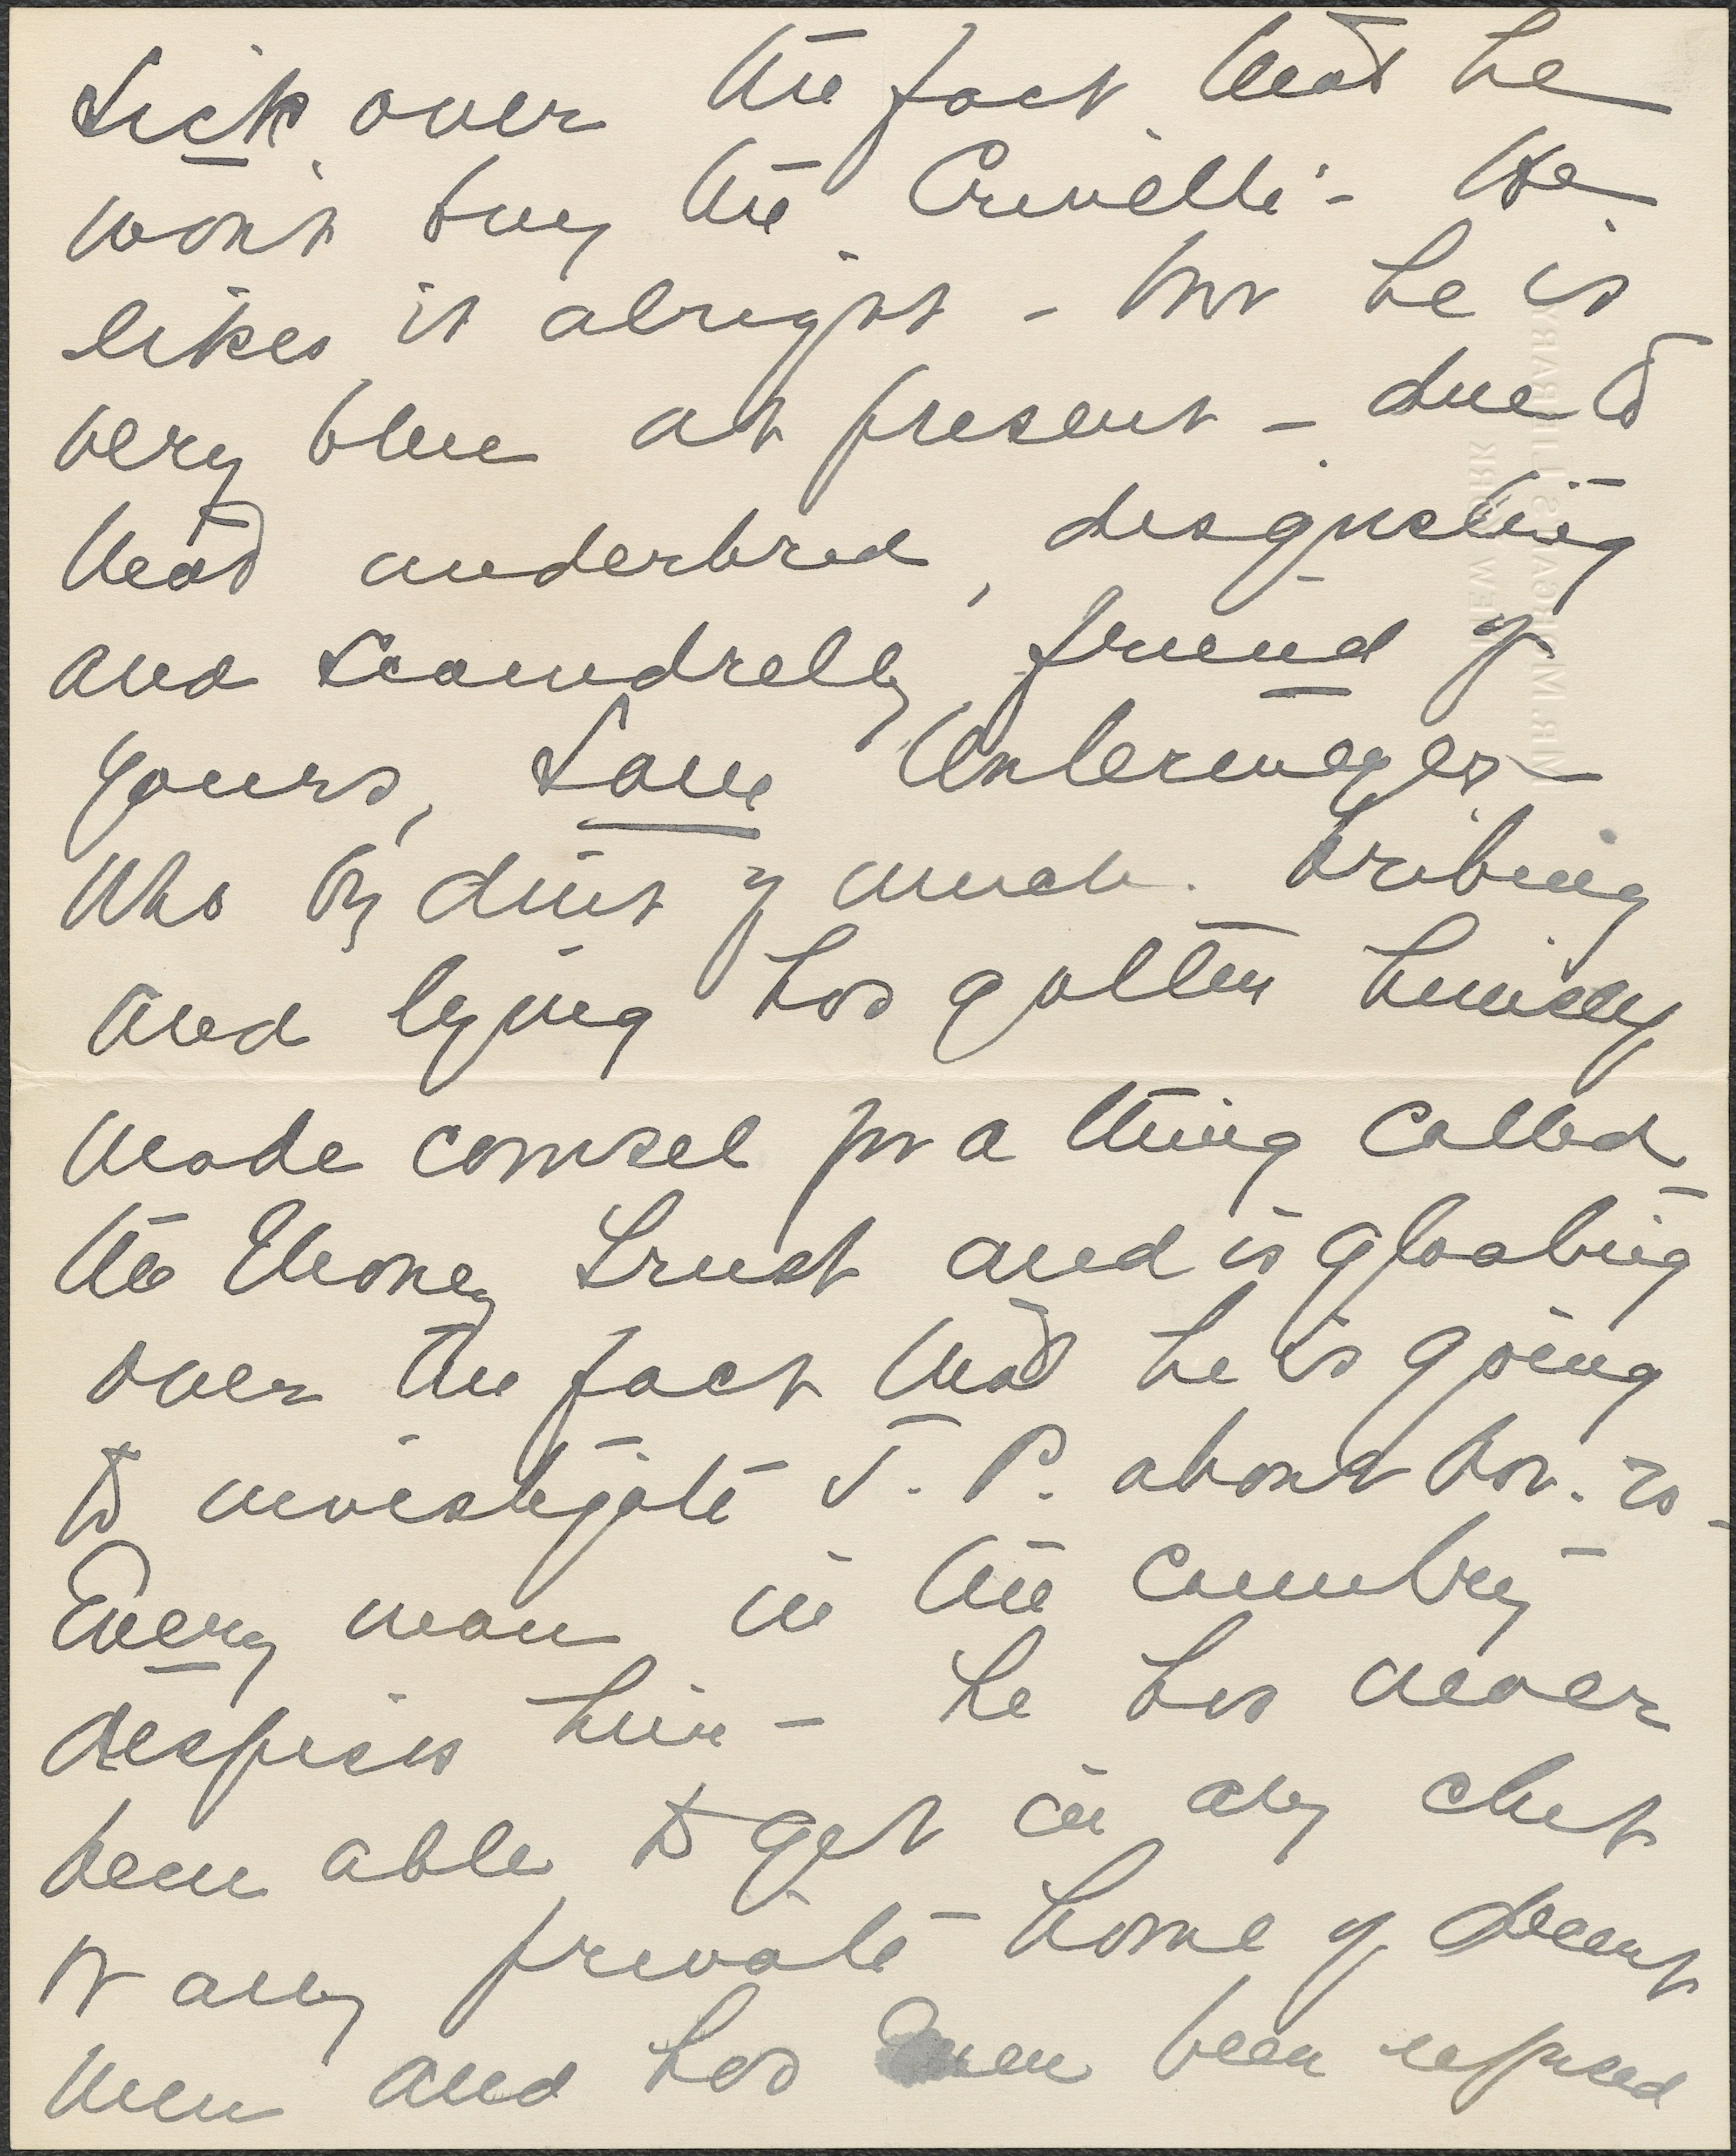sick over the fact that he won’t buy the Crivelli – He likes it alright – but he is very blue at present – due to that underbred, disgusting and scoundrelly friend of yours, Sam Untermeyer – who by dint of much bribing and lying has gotten himself made counsel for a thing called the Money Trust and is gloating over the fact that he is going to investigate J. P. about Nov. 20 – Every man in the country despises him – he has never been able to get in any club or any private home of decent men and has even been refused